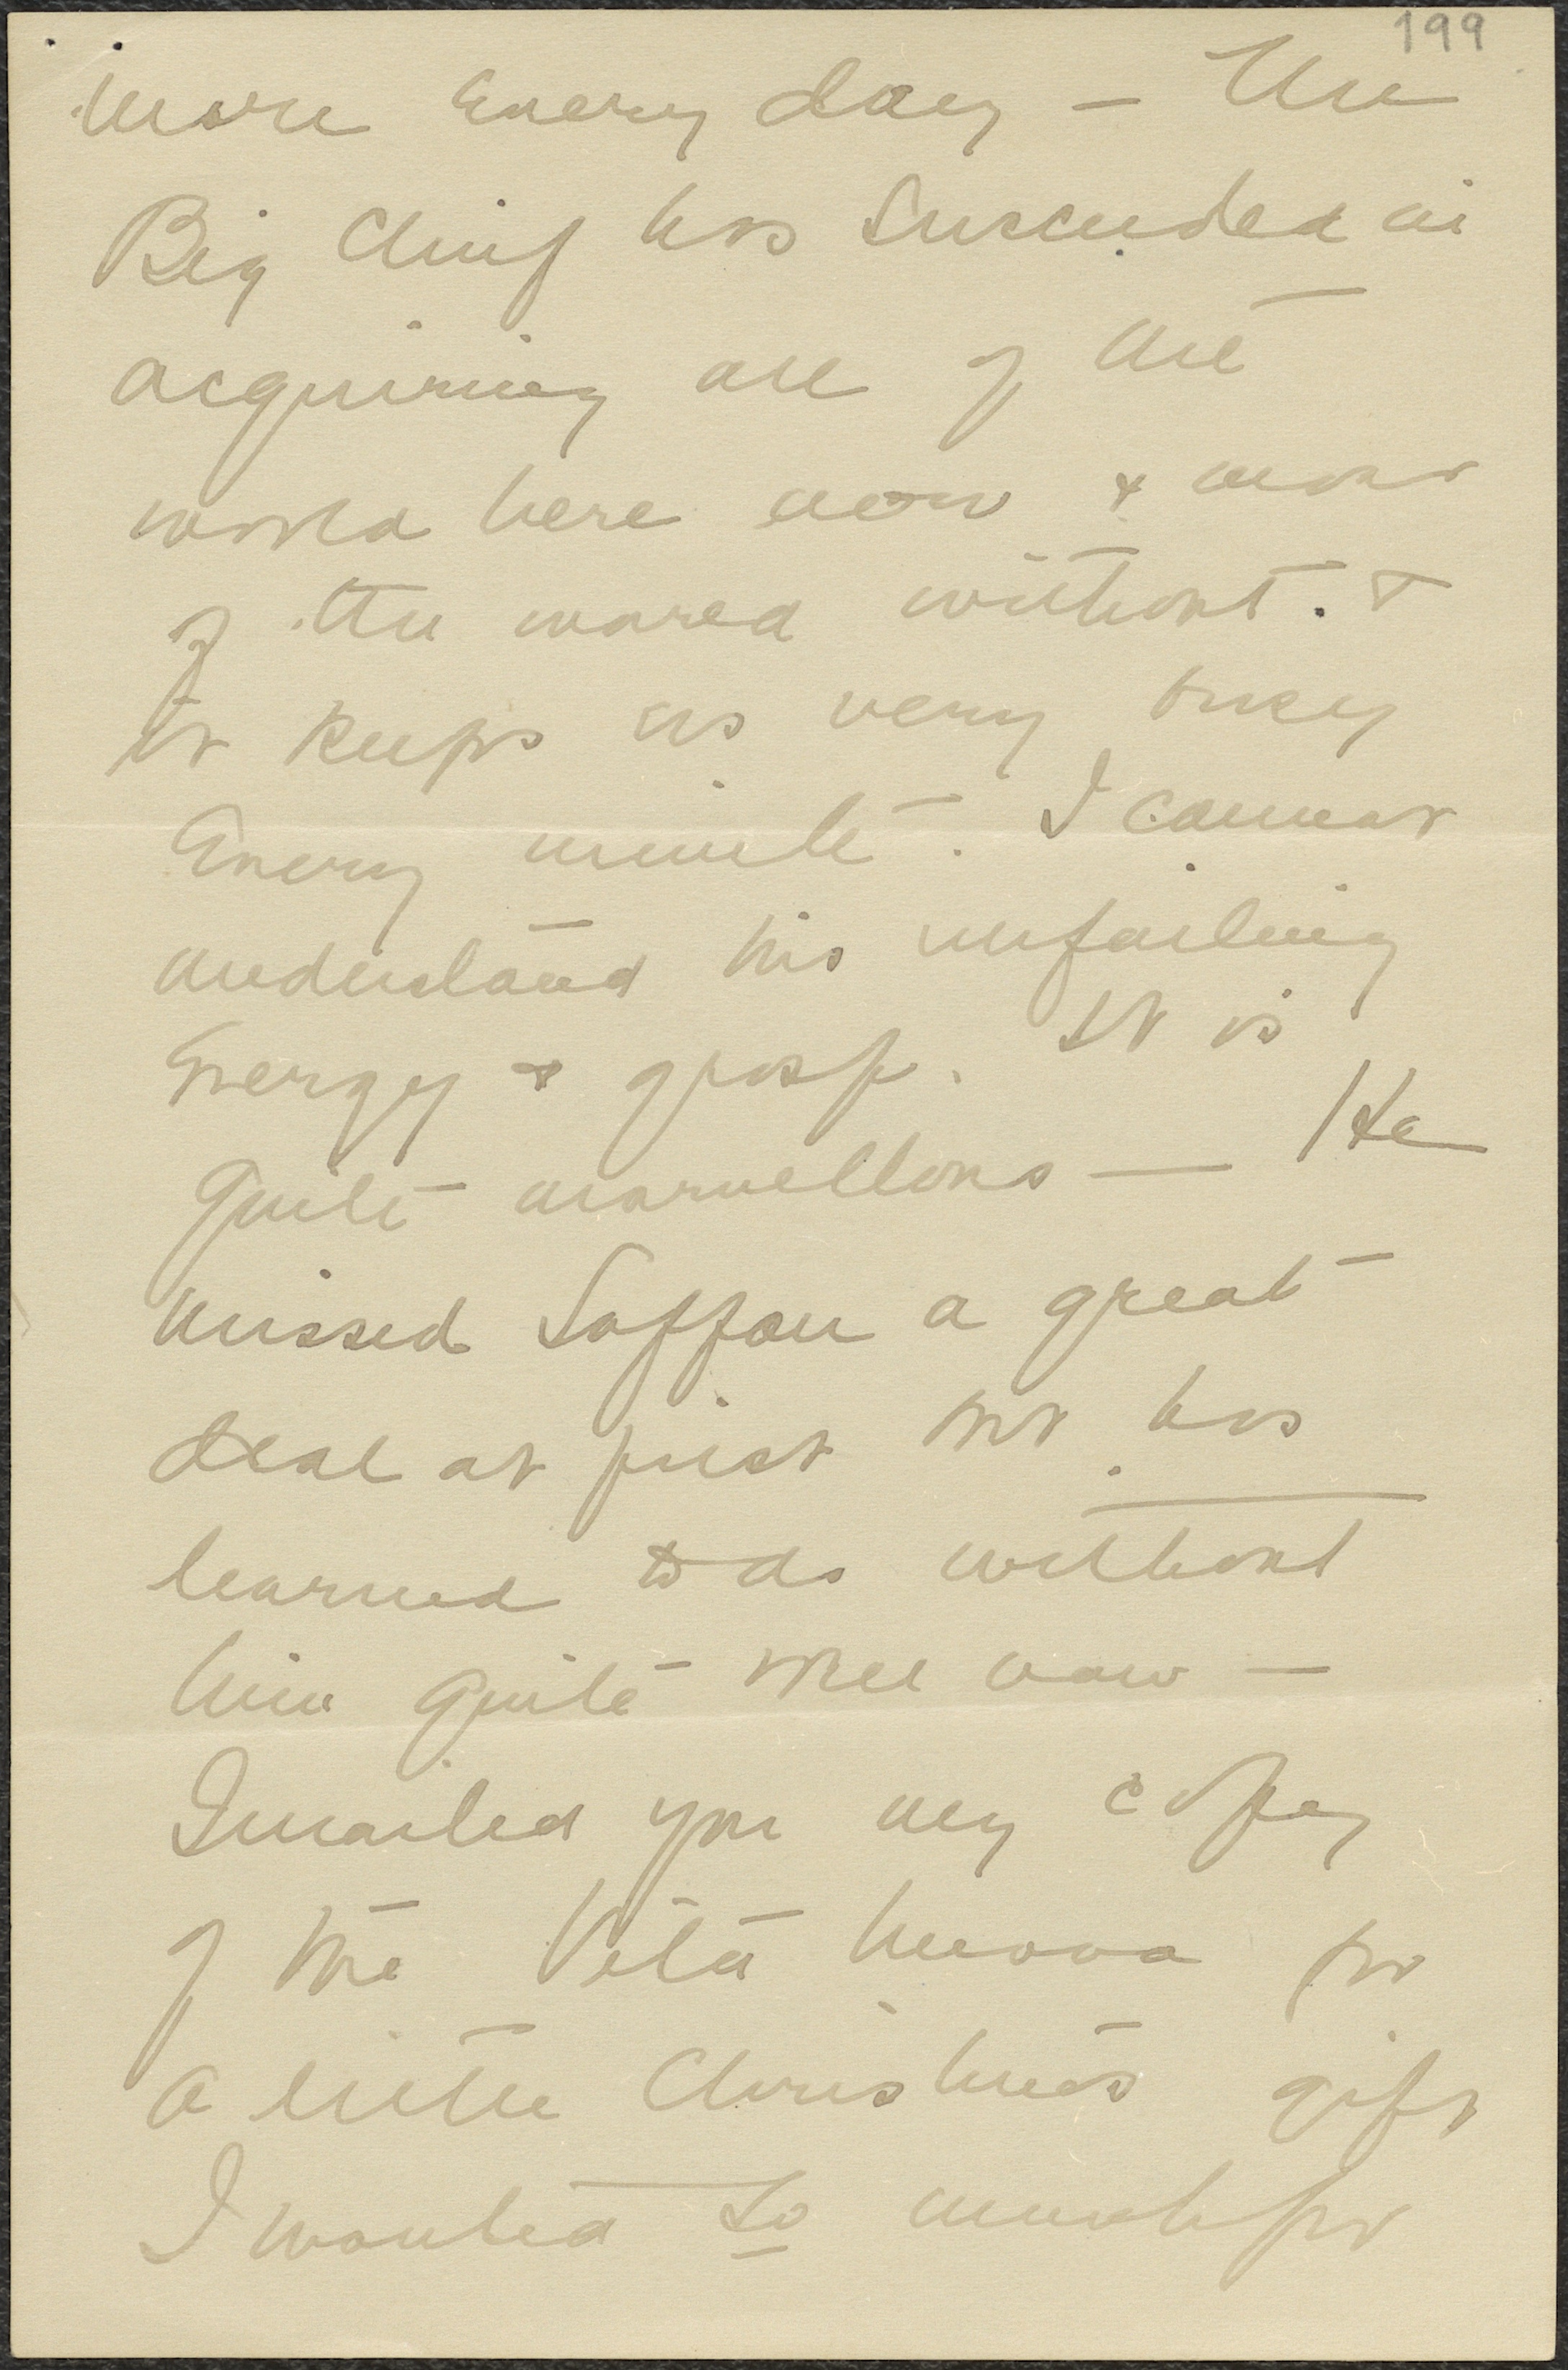more every day – The Big Chief has succeeded in acquiring all of the world here now & most of the world without & it keeps us very busy every minute. I cannot understand his unfailing energy & grasp. It is quite marvellous – He missed Laffan a great deal at first but has learned to do without him quite well now – I mailed you my copy of the Vita Nuova for a little Christmas gift
I wanted so much for